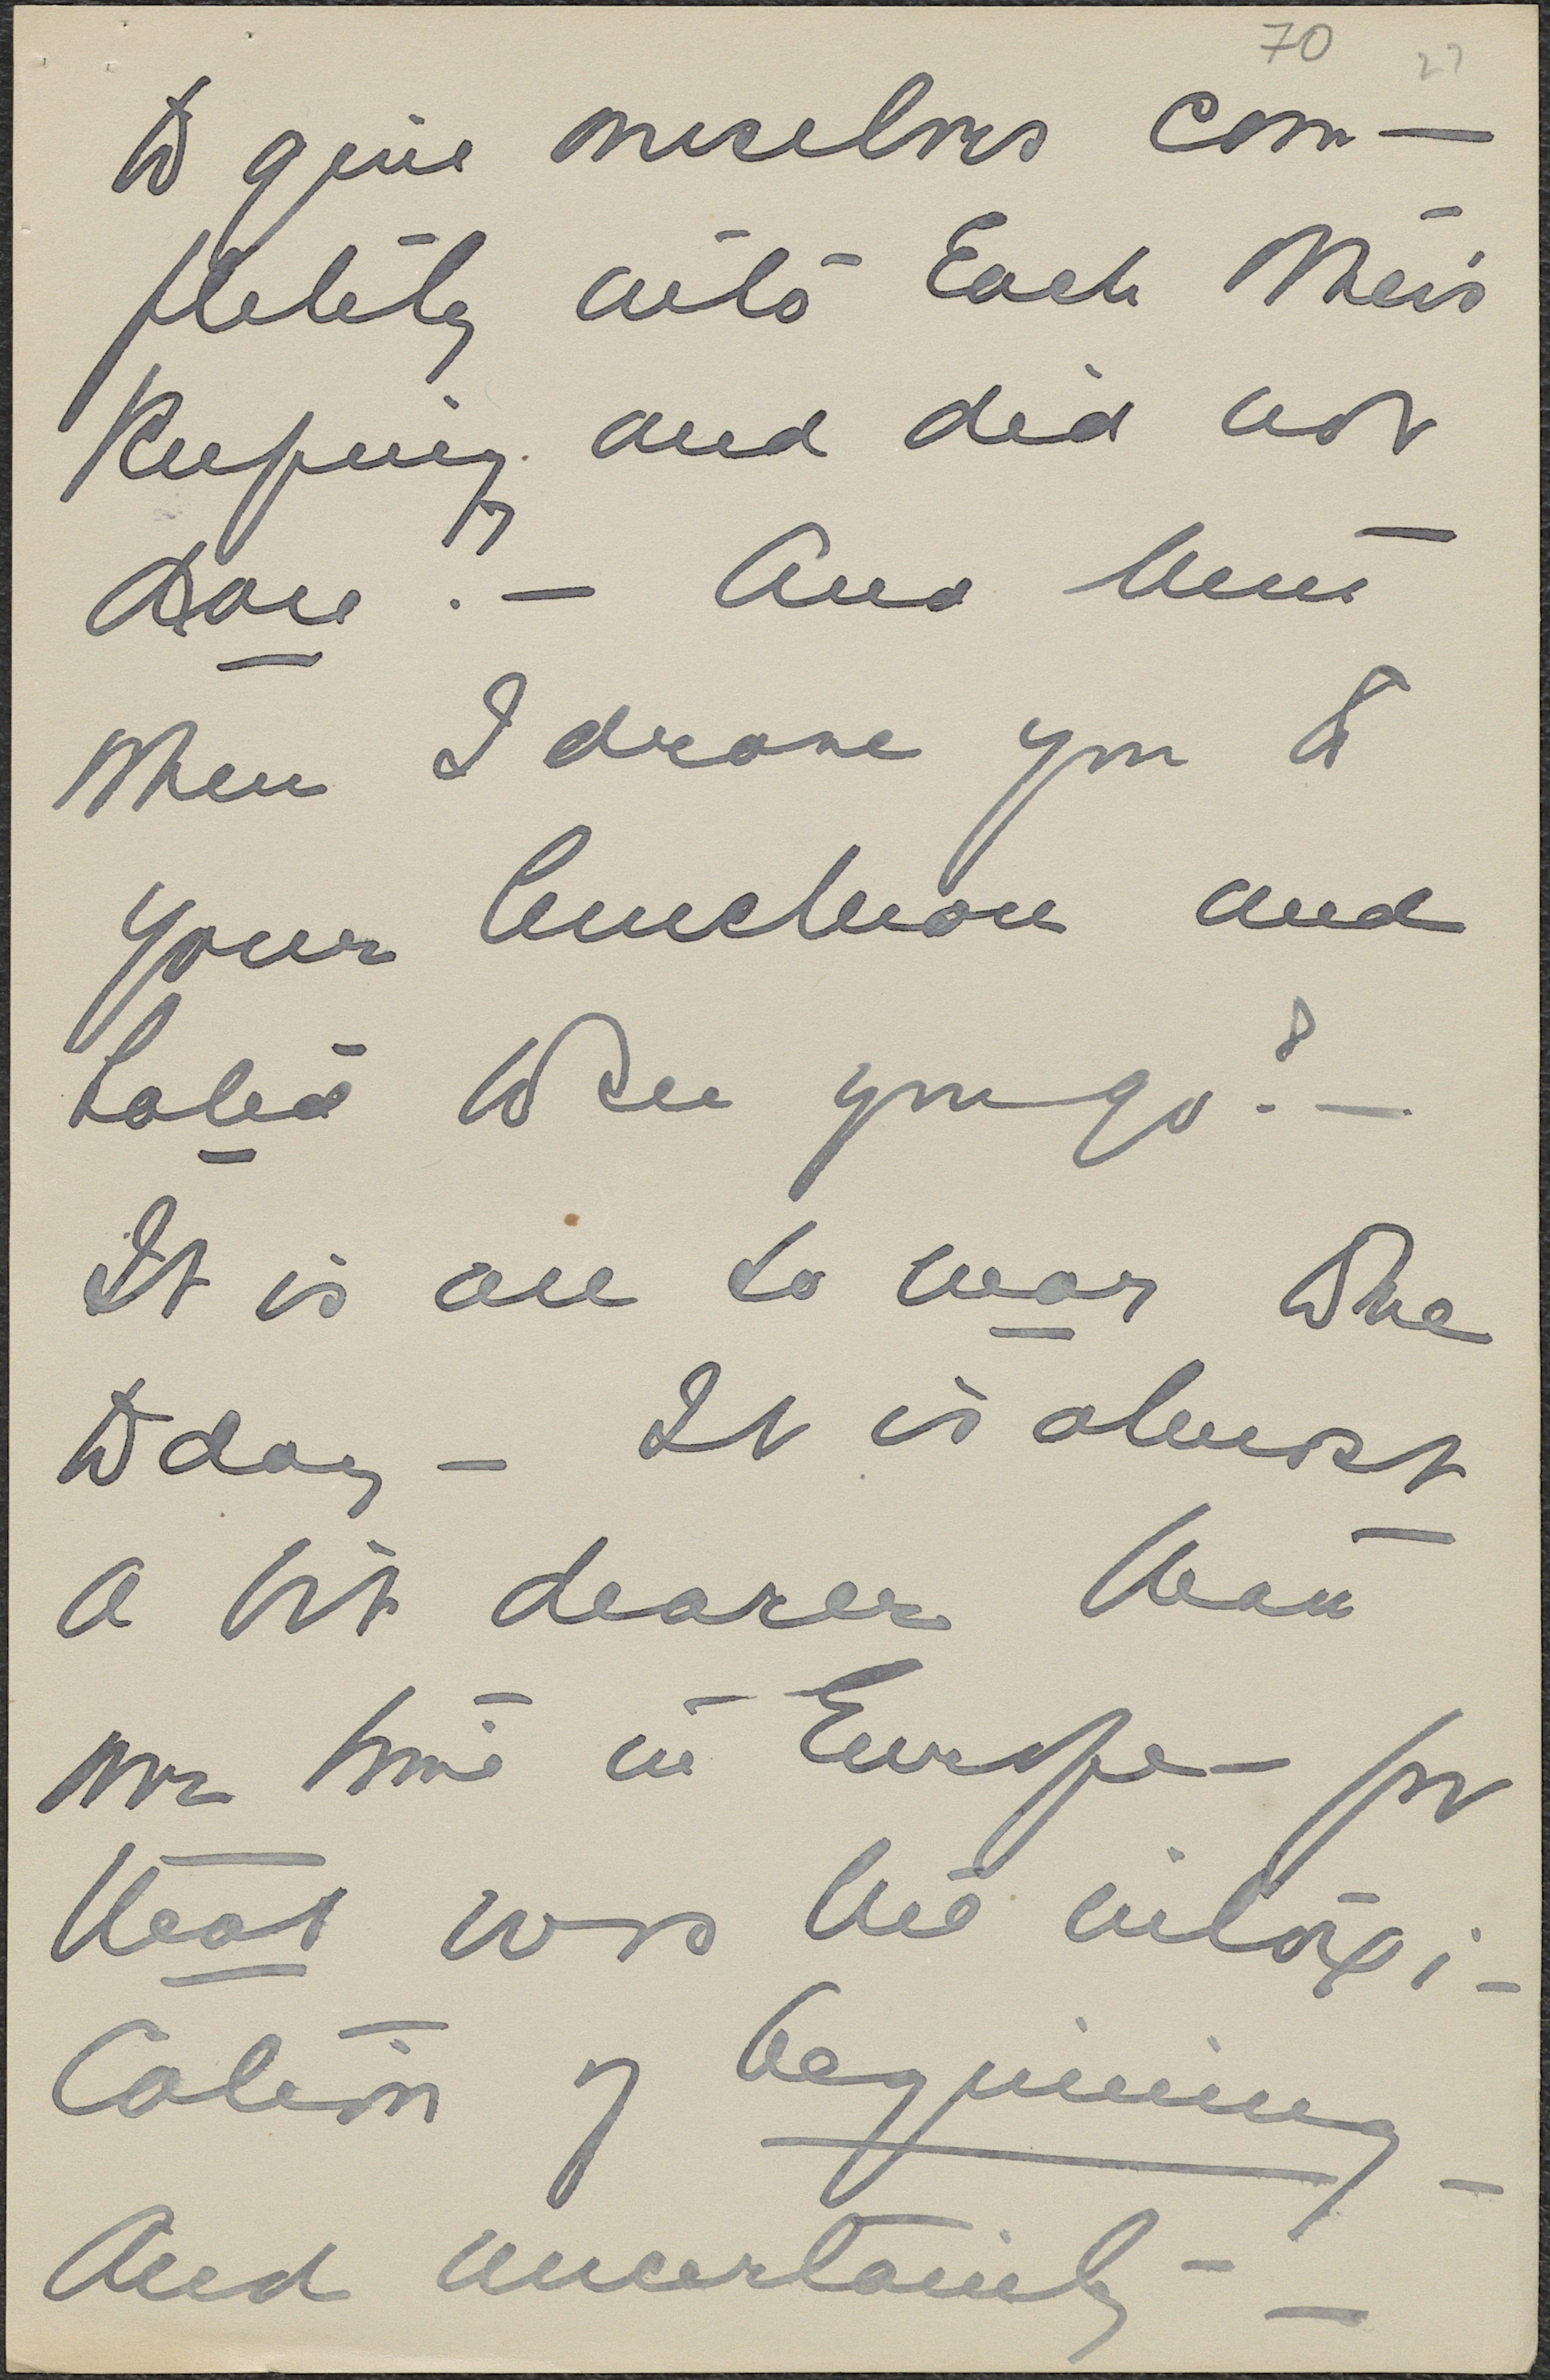to give ourselves completely into each other’s keeping and did not dare? – And then when I drove you to your luncheon and hated to see you go? – It is all so near to me today – It is almost a bit dearer than our time in Europe – for that was the intoxication of beginning – and uncertainty –